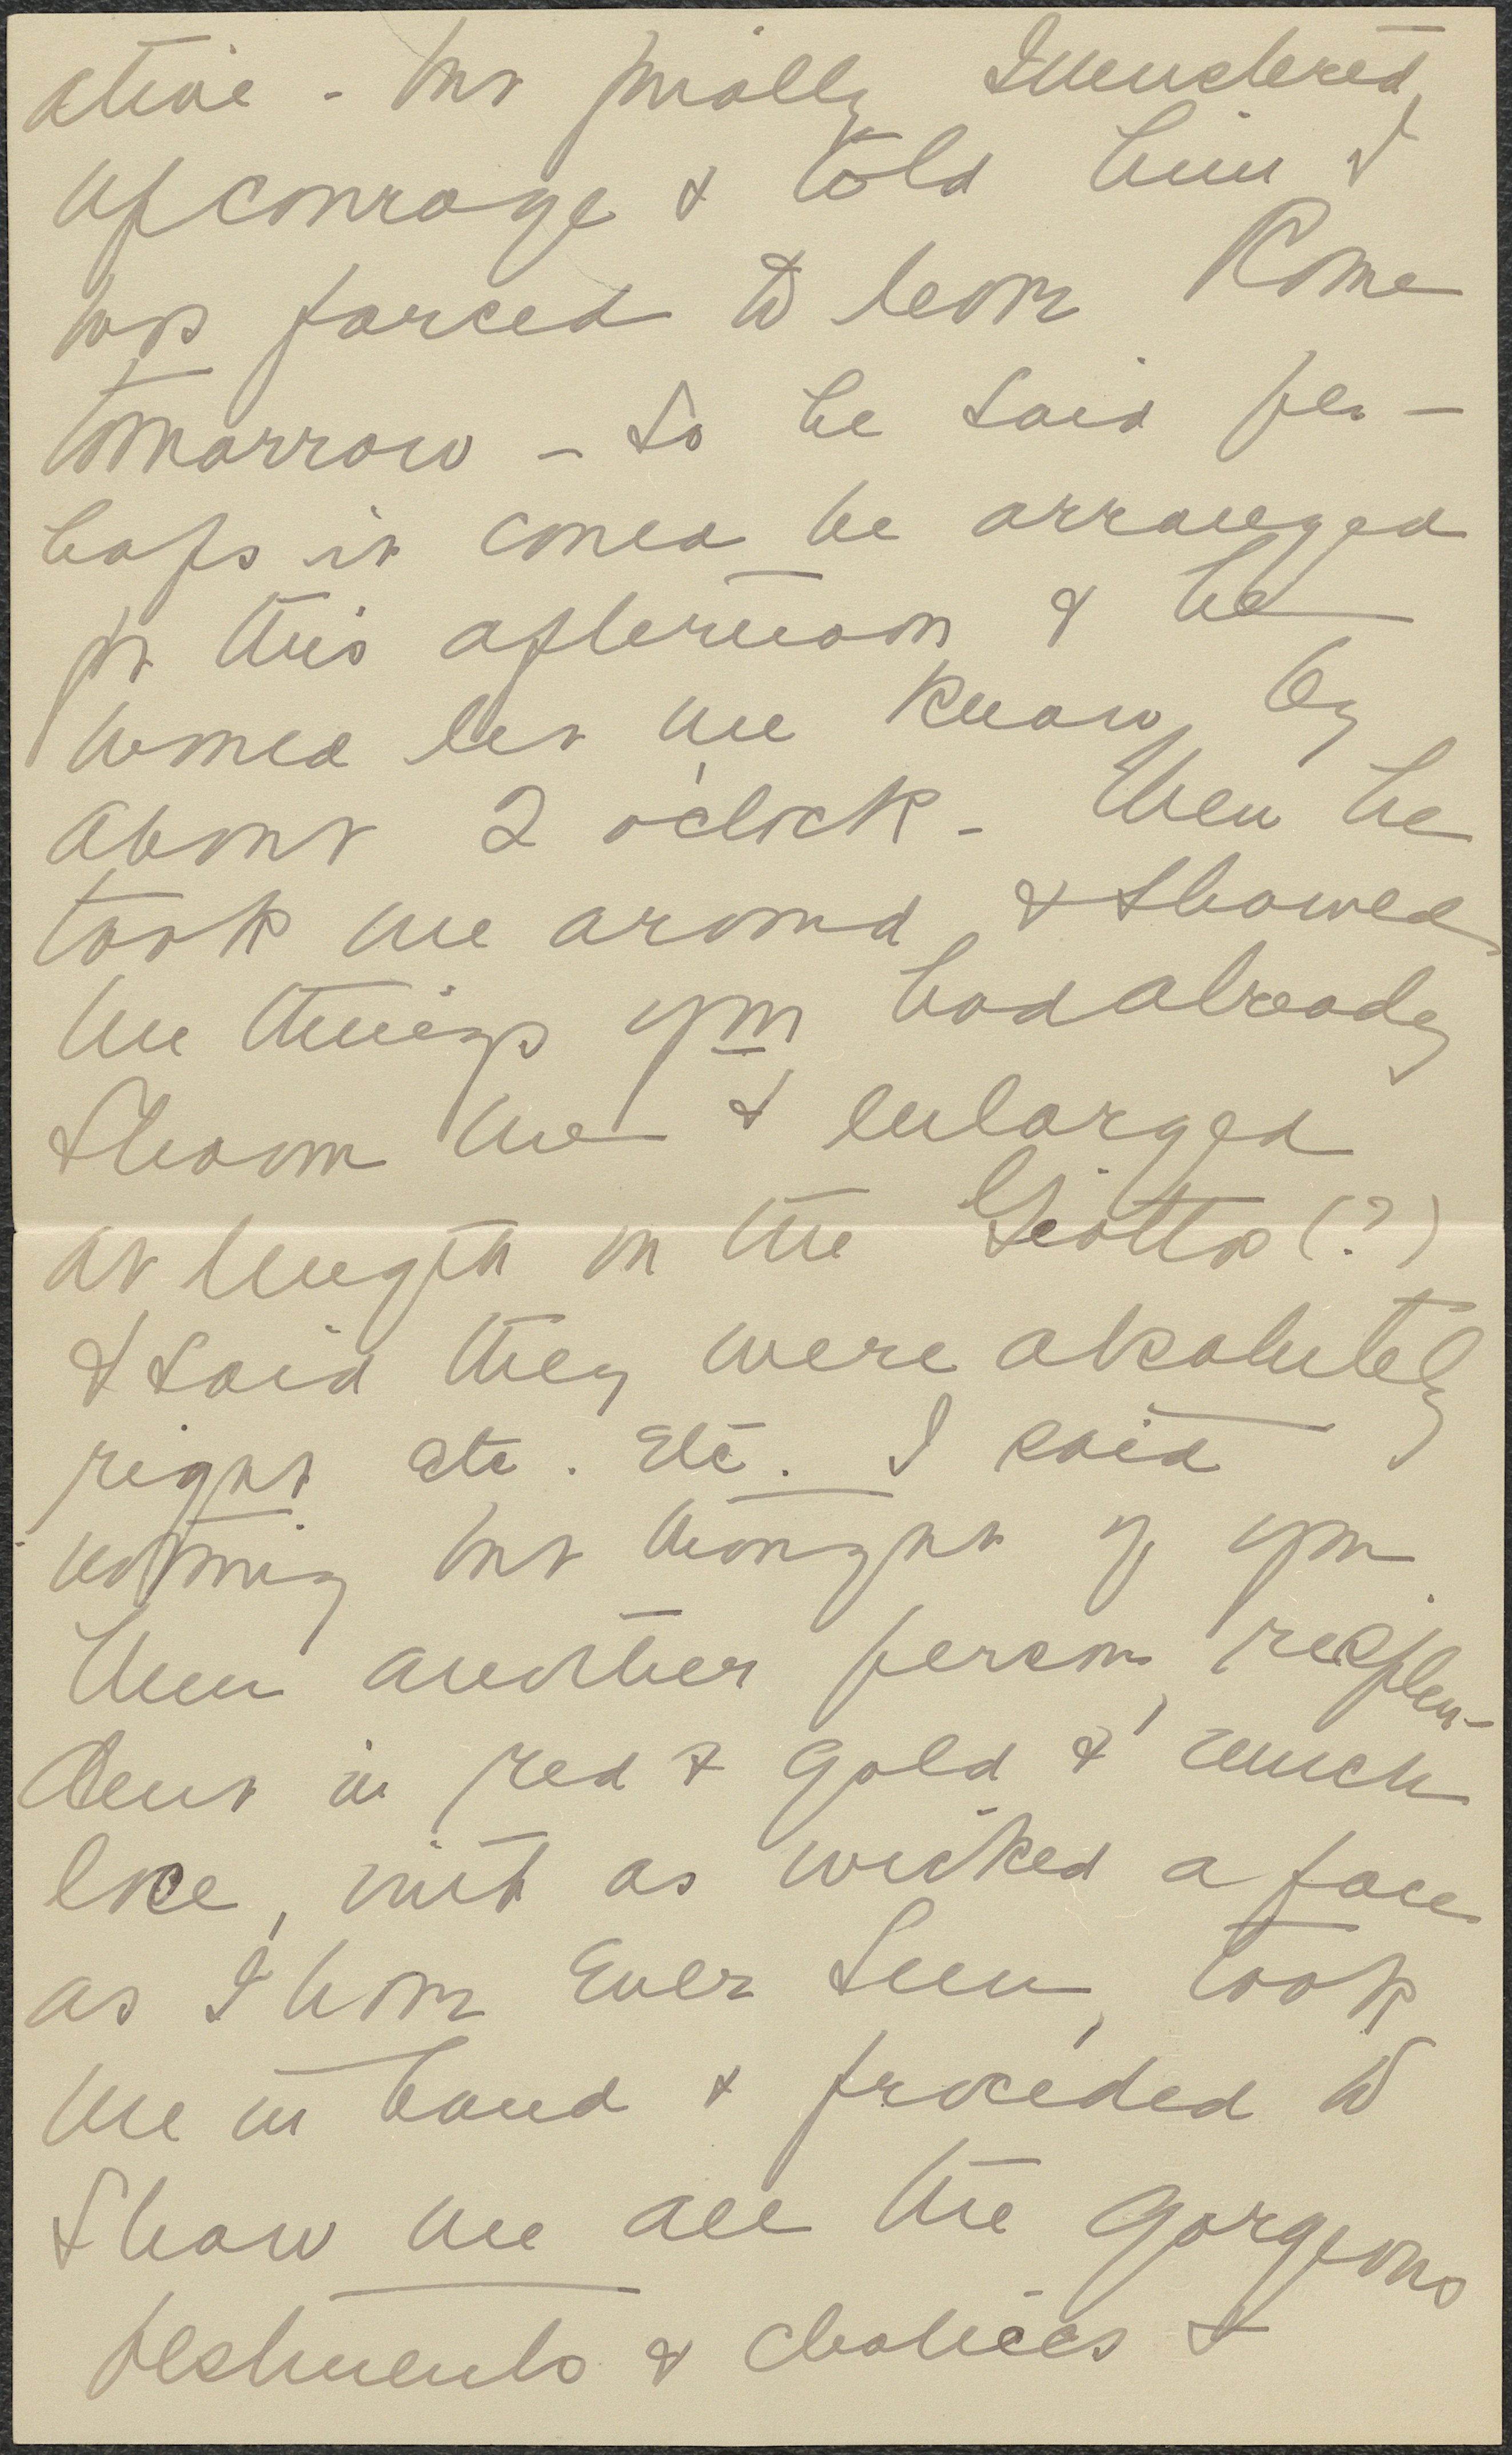but finally I mustered up courage & told him I was forced to leave Rome tomorrow – so he said perhaps it could be arranged for this afternoon & he would let me know by about 2 o’clock – Then he took me around & showed me things you had already shown me & enlarged at length on the Giotto (?) & said they were absolutely right etc. etc. I said nothing but thought of you. Then another person resplendent in red & gold & much lace, with as wicked a face as I have ever seen, took me in hand & proceeded to show me all the gorgeous vestments & chalices &